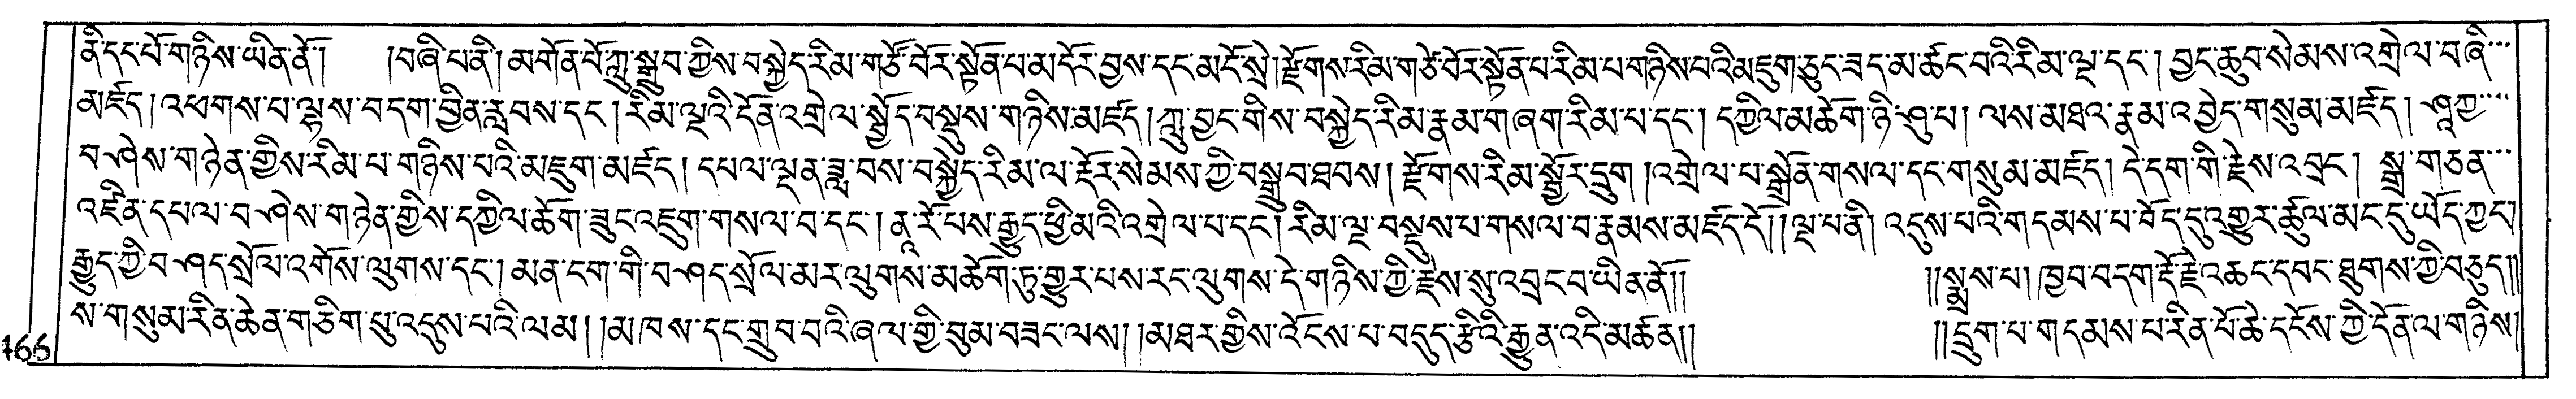ནི་དང་པོ་གཉིས་ཡིན་ནོ། །བཞི་པ་ནི། མགོན་པོ་ཀླུ་སྒྲུབ་ཀྱིས་བསྐྱེད་རིམ་གཙོ་བོར་སྟོན་པ་མདོར་བྱས་དང་མདོ་སྲེ། རྫོགས་རིམ་གཙོ་བོར་སྟོན་པ་རིམ་པ་གཉིས་པའི་མཇུག་ཅུང་ཟད་མ་ཚང་བའི་རིམ་ལྔ་དང་། བྱང་ཆུབ་སེམས་འགྲེལ་བཞི་
མཛད། འཕགས་པ་ལྷས་བདག་བྱིན་རླབས་དང་། རིམ་ལྔའི་དོན་འགྲེལ་སྤྱོད་བསྡུས་གཉིས་མཛད། ཀླུ་བྱང་གིས་བསྐྱེད་རིམ་རྣམ་གཞག་རིམ་པ་དང་། དཀྱིལ་མཆོག་ཉི་ཤུ་པ། ལས་མཐའ་རྣམ་འབྱེད་གསུམ་མཛད། ཤཱཀྱ་
བཤེས་གཉེན་གྱིས་རིམ་པ་གཉིས་པའི་མཇུག་མཛད། དཔལ་ལྡན་ཟླ་བས་བསྐྱེད་རིམ་ལ་རྡོར་སེམས་ཀྱི་བསྒྲུབ་ཐབས། རྫོགས་རིམ་སྦྱོར་དྲུག །འགྲེལ་པ་སྒྲོན་གསལ་དང་གསུམ་མཛད། དེ་དག་གི་རྗེས་འབྲང་། སྒྲ་གཅན་
འཛིན་དཔལ་བཤེས་གཉེན་གྱིས་དཀྱིལ་ཆོག་ཟུང་འཇུག་གསལ་བ་དང་། ནཱ་རོ་པས་རྒྱུད་ཕྱི་མའི་འགྲེལ་པ་དང་། རིམ་ལྔ་བསྡུས་པ་གསལ་བ་རྣམས་མཛད་དོ། །ལྔ་པ་ནི། འདུས་པའི་གདམས་པ་བོད་དུ་འགྱུར་ཚུལ་མང་དུ་ཡོད་ཀྱང་།
རྒྱུད་ཀྱི་བཤད་སྲོལ་འགོས་ལུགས་དང་། མན་ངག་གི་བཤད་སྲོལ་མར་ལུགས་མཆོག་ཏུ་གྱུར་པས་རང་ལུགས་དེ་གཉིས་ཀྱི་རྗེས་སུ་འབྲང་བ་ཡིན་ནོ།། །།སྨྲས་པ། ཁྱབ་བདག་རྡོ་རྗེ་འཆང་དབང་ཐུགས་ཀྱི་བཅུད། །
ས་གསུམ་རིན་ཆེན་གཅིག་པུ་འདུས་པའི་ལམ། །མཁས་དང་གྲུབ་པའི་ཞལ་གྱི་བུམ་བཟང་ལས། །མཐར་གྱིས་འོངས་པ་བདུད་རྩིའི་རྒྱུན་འདི་མཚན།། །།དྲུག་པ་གདམས་པ་རིན་པོ་ཆེ་དངོས་ཀྱི་དོན་ལ་གཉིས།